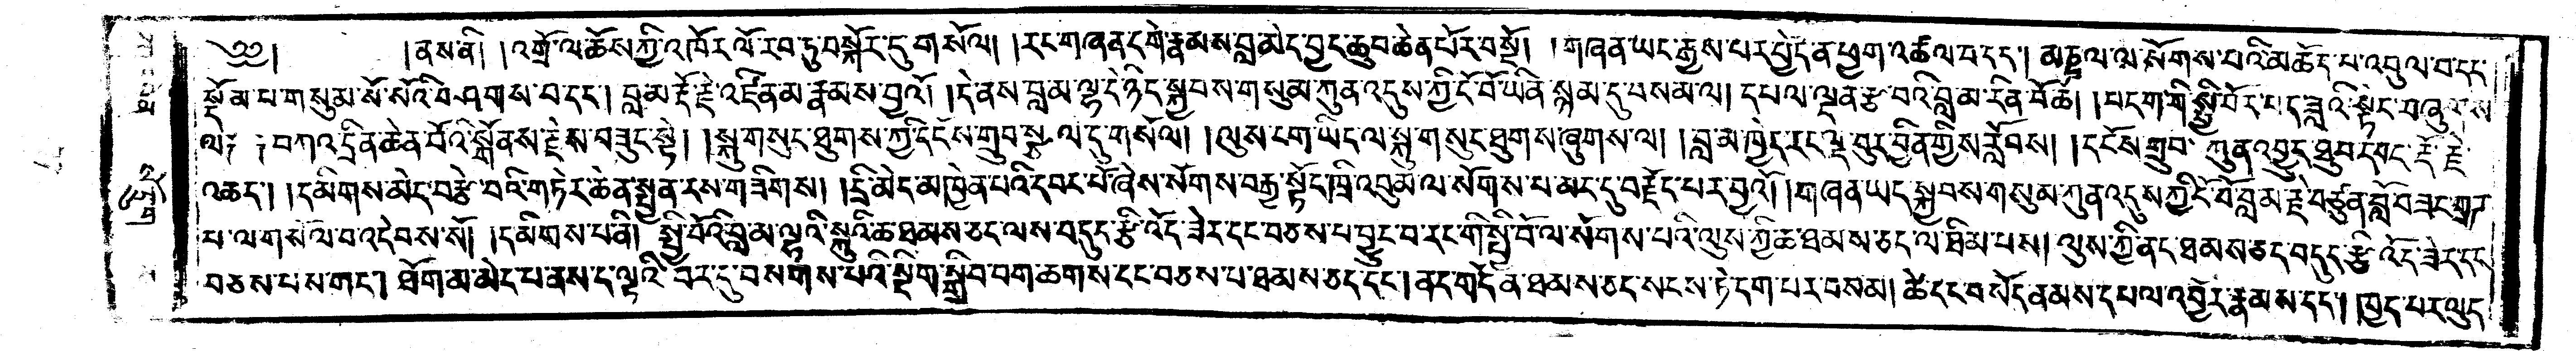༄༅། །ནས་ནི། །འགྲོ་ལ་ཆོས་ཀྱི་འཁོར་ལོ་རབ་ཏུ་བསྐོར་དུ་གསོལ། །རང་གཞན་དགེ་རྣམས་བླ་མེད་བྱང་ཆུབ་ཆེན་པོར་བསྔོ། །གཞན་ཡང་རྒྱས་པར་བྱེད་ན་ཕྱག་འཚལ་བ་དང་། མཎྜལ་ལ་སོགས་པའི་མཆོད་པ་འབུལ་བ་དང་།
སྡོམ་པ་གསུམ་སོ་སོའི་བཤགས་བ་དང་། བླ་མ་རྡོ་རྗེ་འཛིན་མ་རྣམས་བྱའོ། །དེ་ནས་བླ་མ་ལྷ་དེ་ཉིད་སྐྱབས་གསུམ་ཀུན་འདུས་ཀྱི་ངོ་བོ་ཡིན་སྙམ་དུ་པས་མ་ལ། དཔལ་ལྡན་རྩ་བའི་བླ་མ་རིན་པོ་ཆོ། །བདག་གི་སྤྱི་བོར་བད་ཟླའི་སྟེང་བཞུགས་
ལ༑ ༑བཀའ་དྲིན་ཆེན་བོའི་སྒོ་ནས་རྗེས་བཟུང་སྟེ། །སྐུ་གསུང་ཐུགས་ཀྱི་དངོས་གྲུབ་སྩལ་ལ་དུ་གསོལ། །ལུས་ངག་ཡིད་ལ་སྐུ་གསུང་ཐུགས་ཞུགས་ལ། །བླ་མ་ཁྱེད་རང་ལྡ་བུར་བྱིན་གྱིས་རློབས། །དངོས་གྲུབ་ཀུན་འབྱུང་ཐུབ་དབང་རྡོ་རྗེ་
འཆད། །དམིགས་མེད་བརྩེ་བའི་གཏེར་ཆེན་སྤྱན་ནས་གཟིགས། །དྲི་མེད་མཁྱེན་པའི་དབང་པོ་ཞེས་སོགས་བརྒྱ་སྟོང་ཁྲི་འབུམ་ལ་སོགས་པ་མང་དུ་བརྗོད་པར་བྱའོ། །གཞན་ཡང་སྐྱབས་གསུམ་ཀུན་འདུས་ཀྱི་ངོ་བོ་བླ་མ་རྗེ་བཙུན་བློ་བཟང་གྲཌ་
པ་ལ་གསོལ་བ་འདེབས་སོ། །དམིགས་པ་ནི། སྤྱི་བོའི་བླ་མ་ལྷའི་སྐུའི་ཆ་ཐམས་ཅད་ལས་བདུང་རྩི་འོད་ཟེར་དང་བཅས་པ་བྱུང་བ་རང་གི་སྤྱི་བོ་ལ་སོགས་པའི་ལུས་ཀྱི་ཆ་ཐམས་ཅད་ལ་ཐིམ་པས། ལུས་ཀྱི་ནང་ཐམས་ཅད་བདུད་རྩི་འོད་ཟེར་དང་
བཅས་པས་གང་། ཐོག་མ་མེད་པ་ནས་ད་ལྟའི་བར་དུ་བསགས་པའི་སྡིག་སྒྲིབ་བག་ཆགས་དང་བཅས་པ་ཐམས་ཅད་དང་། ནང་གདོན་ཐམས་ཅད་སངས་ཏེ་དག་པར་བསམ། ཚེ་དང་བསོད་ནམས་དཔལ་འབྱོར་རྣམས་དང་། ཁྱད་པར་ལུད་